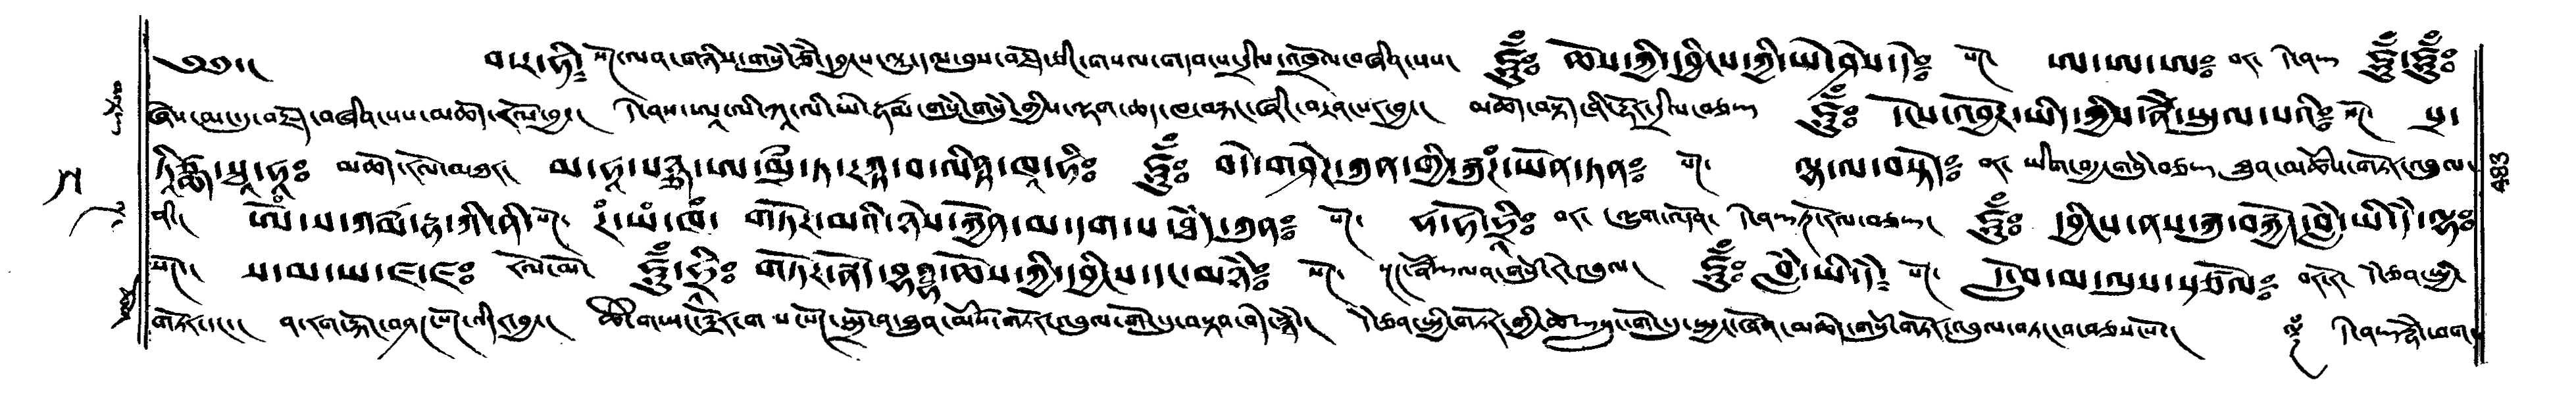བ་ར་ཧི༴ སོགས་ལན་གཉིས་གསུམ་ཙམ་དབྱངས་ལྟ་བུ་དལ་བུས་བརྗོད་ཅིང་གསལ་གདབ་པ་དྲིལ་འཁྲོལ་བཞིན་པས། ཧཱུྃ༔ ཆོས་ཀྱི་དབྱིངས་ཀྱི་ཡེ་ཤེས་དེ༔ སོགས། ཨ་ཨ་ཨ༔ བར། དེ་ནས། ཧཱུྃ་ཧཱུྃ༔ 
ཞེས་མང་དུ་བརྗོད་བཞིན་པས་མཆོད་རོལ་བྱ། དེ་ནས་ཨཱ་ལི་ཀཱ་ལི་ཡེ་དྷརྨ་གསུམ་གསུམ་གྱིས་ལྷག་ཆད་ཁ་བསྐང་ཞིང་བརྟན་པར་བྱ། མཆོད་བསྟོད་ནི་རྡོར་དྲིལ་བཅས། ཧཱུྃ༔ དངོས་འབྱོར་ཡིད་ཀྱིས་རྣམ་སྤྲུལ་པའི༔ སོགས། པྲ་
ཏཱིཙྪ་སྭ་ཧཱ༔ མཆོད་རོལ་མཐར། མ་ཧཱ་པཉྩ་ཨ་མྲྀ་ཏ་རཀྟ་བ་ལིང་ཏ་ཁཱ་ཧི༔ ཧཱུྃཿ བདེ་གཤེགས་ཀུན་གྱི་སྐུ་གསུང་ཐུགས་ཡོན་ཏན༔ སོགས། ལྷ་ལ་བསྟོད༔ བར་ཡིག་བརྒྱ་གསུམ་བཅས། ཐུན་མཚམས་གཏོར་འབུལ་
ནི། ཨོཾ་ས་ཀརྨ་དྷ་ཀི་ནི༴ སོགས། རཾ་ཡཾ་ཁཾ༔ གཏོར་མའི་ཉེས་སྐྱོན་མ་དག་པ་ཐམས་ཅད་ཀུན༔ སོགས། ཧ་ཧོ་ཧྲཱི༔ བར་ལྷུག་འདོན། དེ་ནས་རྔ་རོལ་བཅས། ཧཱུྃ༔ དབྱིངས་ནས་སྐུ་བསྐྱོད་བླ་མ་ཡི་དམ་ལྷ༔ 
སོགས། ས་མ་ཡ་ཛ་ཛ༔ རོལ་མོ། ཧཱུྃ་ཧྲཱི༔ གཏོར་སྣོད་བྷནྡྷ་ཆོས་ཀྱི་དབྱིངས་དང་མཉམ༔ སོགས། སྔགས་རྣམས་ལན་གསུམ་རེ་འབུལ། ཧཱུྃ༔ བླ་མ་ཡི་དམ༴ སོགས། དངོས་གྲུབ་མ་ལུས་སྩོལ༔ བར་རོ། དམ་ཅན་སྤྱི་
གཏོར་དང་། ན་རག་སྐོང་བཤགས་སོགས་འདིར་བྱ། ཚེ་གཡང་ཟོར་སོགས་སྤྲོ་ན་ཐུན་མཚམས་གཏོར་འབུལ་གོང་དུ་སྟབས་བདེ་སྙམ། དམ་ཅན་སྤྱི་གཏོར་གྱི་ཆོས་སྲུང་གོང་དུ་སྤྱང་བཞོན་མཆེད་གསུམ་གཏོར་འབུལ་གཏོང་བ་བཅས་སོ། ༈ དེ་ནས་རྡོ་རྗེ་ཕག་